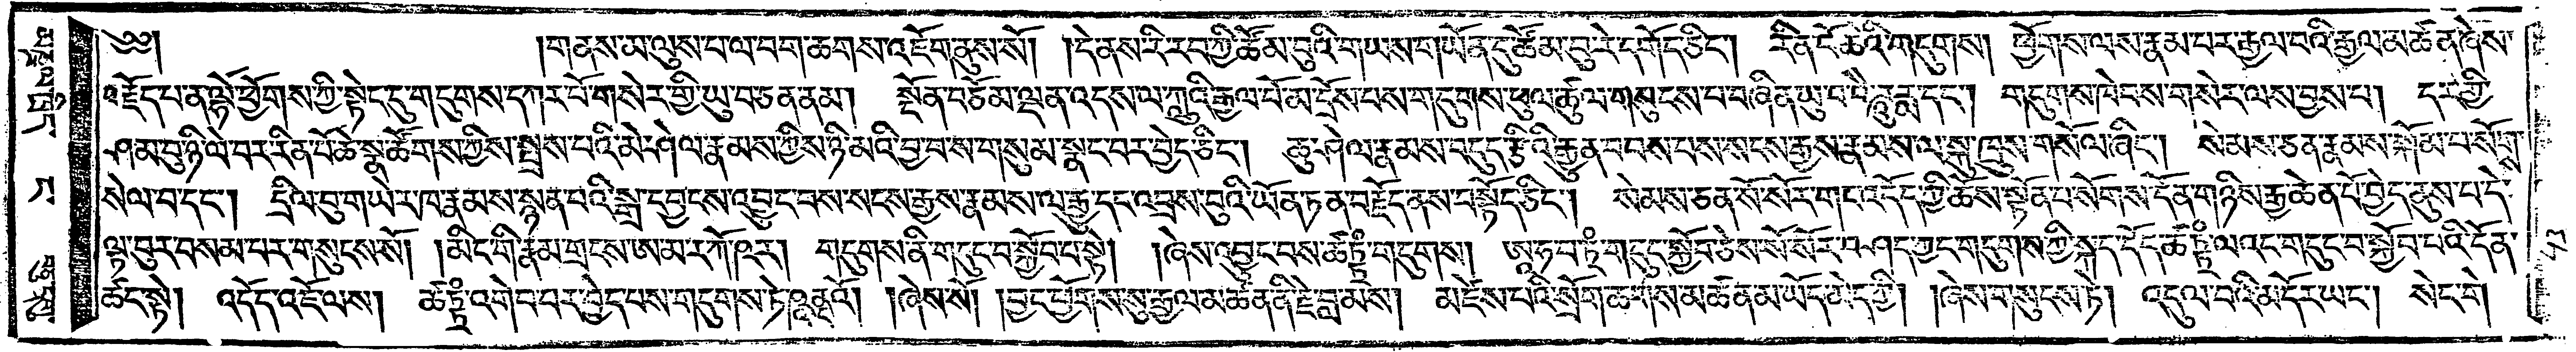༄༅། །གནས་མ་ལུས་པ་ལ་བག་ཆགས་འཇོག་ནུས་སོ། །དེ་ནས་རི་རབ་ཀྱི་ཚོམ་བུའི་གཡས་གཡོན་དུ་ཚོམ་བུ་རེ་དགོད་ཅིང་། རིན་པོ་ཆེའི་གདུགས། ཕྱོགས་ལས་རྣམ་པར་རྒྱལ་བའི་རྒྱལ་མཚན་ཞེས་
བརྗོད་པ་ན་ལྷོ་ཕྱོགས་ཀྱི་སྟེང་དུ་གདུགས་དཀར་པོ་གསེར་གྱི་ཡུ་བཅན་ནམ། སྔོན་བཅོམ་ལྡན་འདས་ལ་ཀླུའི་རྒྱལ་པོ་མ་དྲོས་པས་གདུགས་ཕུལ་ཚུལ་གསུངས་པ་བཞིན་ཡུ་བ་བཻཌཱུརྱ་དང་། གདུགས་ཁེབས་གསེར་ལས་བྱས་པ། དར་གྱི་
ཤམ་བུ་ཉི་ལེ་བར་རིན་པོ་ཆེ་སྣ་ཚོགས་ཀྱིས་སྤྲས་བའི་མེ་ཤེལ་རྣམས་ཀྱིས་ཉི་མའི་བྱ་བ་ས་གསུམ་སྣང་བར་བྱེད་ཅིང་། ཆུ་ཤེལ་རྣམས་བདུད་རྩིའི་རྒྱུན་བབས་པས་སངས་རྒྱས་རྣམས་ལ་སྐུ་ཁྲུས་གསོལ་ཞིང་། སེམས་ཅན་རྣམས་སྐོམ་པ་སོགས་
སེལ་བ་དང་། དྲིལ་བུ་གཡེར་ཁ་རྣམས་སྙན་པའི་སྒྲ་དབྱངས་འབྱུང་བས་སངས་རྒྱས་རྣམས་ལ་རྒྱུ་དང་འབྲས་བུའི་ཡོན་ཏན་བརྗོད་ནས་བསྟོད་ཅིང་། སེམས་ཅན་སོ་སོར་གང་འདོད་ཀྱི་ཆོས་སྟོན་པ་སོགས་དོན་གཉིས་རྒྱ་ཆེན་པོ་བྱེད་ནུས་པ་དེ་
ལྟ་བུར་བསམ་བར་གསུངས་སོ། །མིང་གི་རྣམ་གྲངས་ཨ་མ་ར་ཀོ་ཥར། གདུགས་ནི་གདུང་བ་སྐྱོབ་བ་སྟེ། །ཞེས་འབྱུང་བས་ཚཏྟྲཾ་གདུགས། ཨཱ་ཧ་པ་ཏྲཾ་གདུང་སྐྱོབ་ཅེས་སོ་སོར་བཤད་ཀྱང་གདུགས་ཀྱི་སྐད་དོད་ཚཏྟྲཾ་ལའང་གདུང་བ་སྐྱོབ་པའི་དོན་
ཚང་སྟེ། འདོད་འཇོ་ལས། ཚཏྟྲཾ་འགེབ་པར་བྱེད་བས་གདུགས་ཏེཥཱནྡའོ། །ཞེས་སོ། །བྱང་ཕྱོགས་སུ་རྒྱལ་མཚན་ནི་རྗེ་བླ་མས། མཛེས་པའི་སྲོག་ཆགས་མཚན་མ་ཡོད་མེད་ཀྱི། །ཞེས་གསུངས་ཏེ། འདུལ་བའི་མདོར་ཡང་། སེང་གེ་